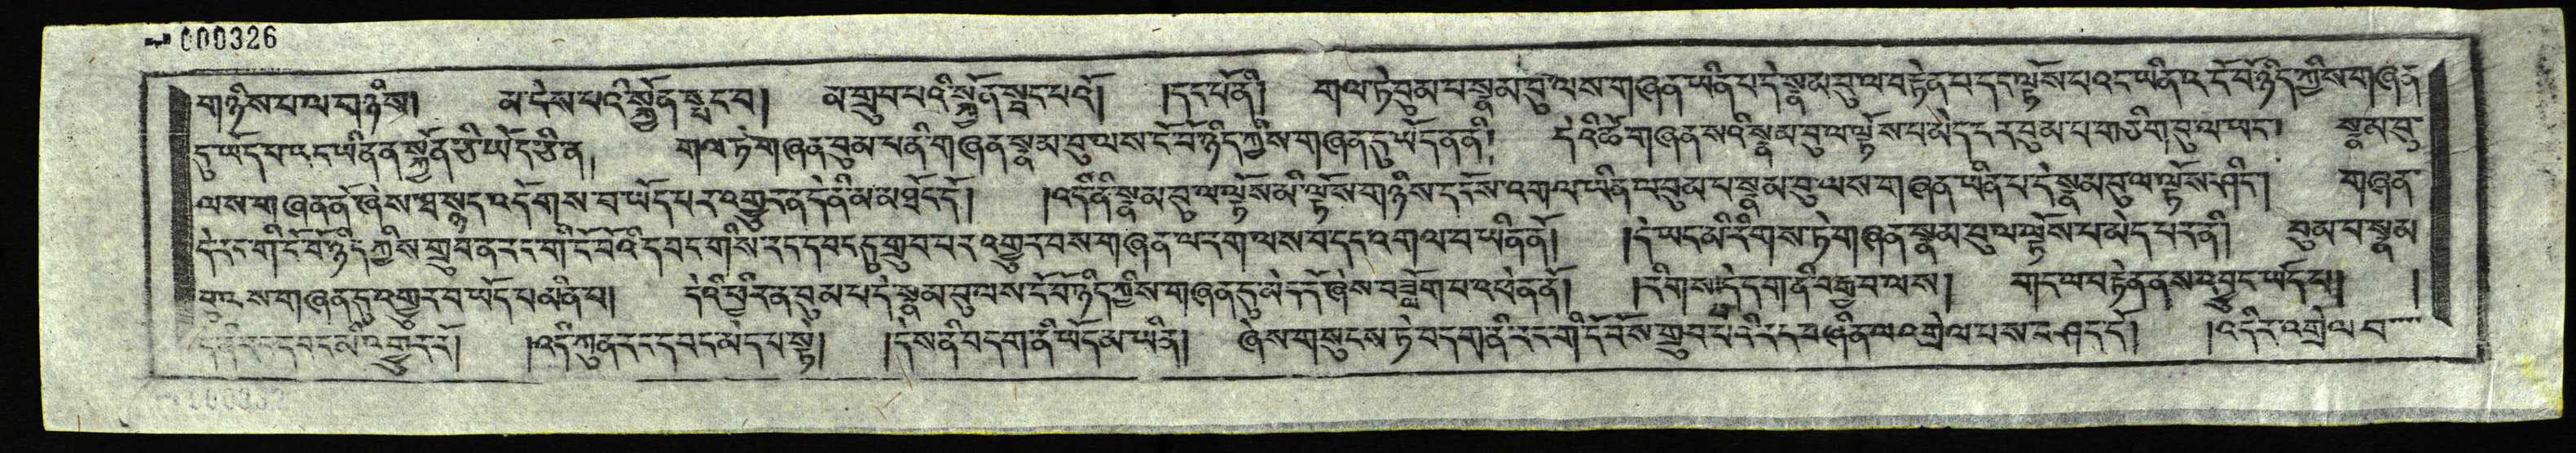གཉིས་པ་ལ་གཉིས། མ་ངེས་པའི་སྐྱོན་སྤང་བ། མ་གྲུབ་པའི་སྐྱོན་སྤང་བའོ། །དང་པོ་ནི། གལ་ཏེ་བུམ་པ་སྣམ་བུ་ལས་གཞན་ཡིན་པ་དེ་སྣམ་བུ་ལ་བརྟེན་པ་དང་ལྟོས་པའང་ཡིན་ལ་ངོ་བོ་ཉིད་ཀྱིས་གཞན་
དུ་ཡོད་པ་ཡང་ཡིན་ན་སྐྱོན་ཅི་ཡོད་ཅི་ན། གལ་ཏེ་གཞན་བུམ་པ་ནི་གཞན་སྣམ་བུ་ལས་ངོ་བོ་ཉིད་ཀྱིས་གཞན་དུ་ཡོད་ན་ནི། དེའི་ཚེ་གཞན་སའི་སྣམ་བུ་ལ་ལྟོས་པ་མེད་པར་བུམ་པ་གཅིག་བུ་ལ་ཡང་། སྣམ་བུ་
ལས་གཞན་ནོ་ཞེས་ཐ་སྙད་འདོགས་པ་ཡོད་པར་འགྱུར་ན་དེ་ནི་མ་མཐོང་ངོ། །འདི་ནི་སྣམ་བུ་ལ་ལྟོས་མི་ལྟོས་གཉིས་དངོས་འགལ་ཡིན་ལ་བུམ་པ་སྣམ་བུ་ལས་གཞན་ཡིན་པ་དེ་སྣམ་བུ་ལ་ལྟོས་ཤིང་། གཞན་
དེ་རང་གི་ངོ་བོ་ཉིད་ཀྱིས་གྲུབ་ན་རང་གི་ངོ་བོའི་དབང་གིས་རང་དབང་དུ་གྲུབ་པར་འགྱུར་བས་གཞན་ལ་རག་ལས་བ་དང་འགལ་བ་ཡིན་ནོ། །དེ་ཡང་མི་རིགས་ཏེ་གཞན་སྣམ་བུ་ལ་ལྟོས་པ་མེད་པར་ནི། བུམ་པ་སྣམ་
བུ་ལས་གཞན་དུ་འགྱུར་བ་ཡོད་པ་མིན་པ། དེའི་ཕྱིར་ན་བུམ་པ་དེ་སྣམ་བུ་ལས་ངོ་བོ་ཉིད་ཀྱིས་གཞན་དུ་མེད་དོ་ཞེས་བཟློག་པ་འཕེན་ནོ། །རིགས་པ་དེ་དག་ནི་བརྒྱ་བ་ལས། གང་ལ་བརྟེན་ནས་འབྱུང་ཡོད་པ། །
དེ་ནི་རང་དབང་མི་འགྱུར་རོ། །འདི་ཀུན་རང་དབང་མེད་པ་སྟེ། །དེས་ནི་བདག་ནི་ཡོད་མ་ཡིན། ཞེས་གསུངས་ཏེ་བདག་ནི་རང་གི་ངོ་བོས་གྲུབ་པའི་རང་བཞིན་ལ་འགྲེལ་པས་བཤད་དོ། །འདིར་འགྲེལ་བ་